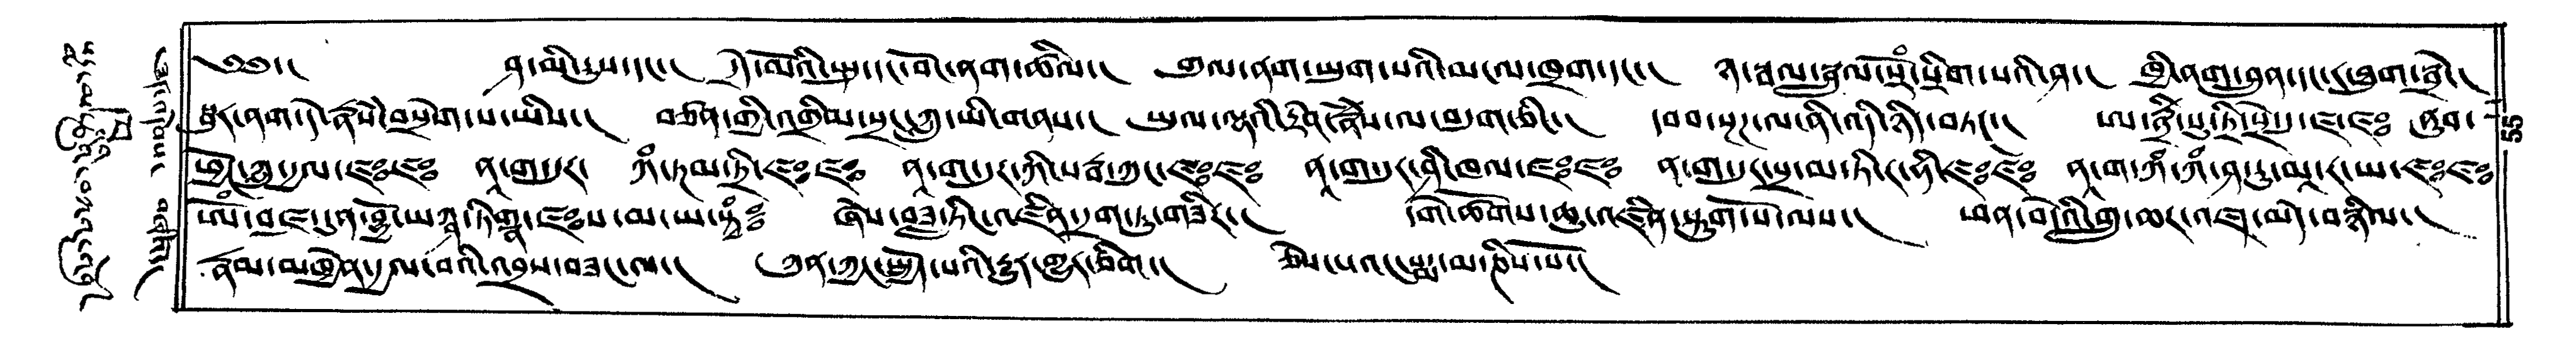ཤ་མི་རུས་དང་། དྲེད་མོའི་སྤུ་དང་བོང་ནག་ཚིལ། གུལ་ནག་ཡུག་པའི་མངལ་ཁྲག་དང་། ཉ་སྦལ་སྦྲུལ་སྡོམ་སྡིག་པའི་ཤ། ཁྱི་ནག་བླུན་དང་ར་ཐུག་སྦྲེ། 
སྦུར་ནག་དེ་རྣམས་བསྲེག་པ་ཡིས། བཙན་གྱི་འགྲིམ་སྲང་ཀླུ་ཡི་གནས། ཡུལ་སླཧའི་རྟེན་རྣམས་ལ་བདུག་ཅིང་། དབབ་སྔགས་ལ་ནི་འདི་ཉིད་བཏགས། ཨ་་་་་་སུ་ཏྲི་སྲེ་དུ་ཛ་ཛཿ ནུབ་
ཕྱོགས་ཀླུ་རྒྱལ་ཛཿཛཿ ནཱ་ག་དུར། ཀཾ་རྔམ་ཏྲི་ཛཿཛཿ ཉཱ་ག་དུར་ཀི་སརྦ་ཀུང་ཛཿཛཿ ནཱ་ག་དུར་ཤི་ཁལ་ཛཿཛཿ ན་ག་དུར་སྲ་མ་ཏི་ར་ཧི་ཛཿཛཿ ནཱ་ག་ཀཾ་ཀཾ་ཤ་རུ་མཱ་ར་ཡ་ཛཿཛཿ 
ཨོཾ་བཛྲ་དུན་བྷྱོ་ཡཀྴ་ཏིགྣ་ཛཿས་མ་ཡ་སྟྭཾ༔ ཞེས་བཟླ་ཏིང་འཛིན་དྲག་ཏུ་གཟིགས། དགེ་ཚོགས་ཆུ་འཛིན་སྟུག་པོ་ལས། ཕན་བདེའི་གྲུ་ཆར་འཛད་མེད་བསྙིལ། 
རྣམ་མཁྱེན་རྒྱལ་བའི་འབྲས་བཟང་ལ། ཀུན་ཀྱང་སྤྱོད་པའི་རྡུར་རྒྱུར་ཅིག ཅེས་པའང་པདྨ་མ་ཎིས་སོ།